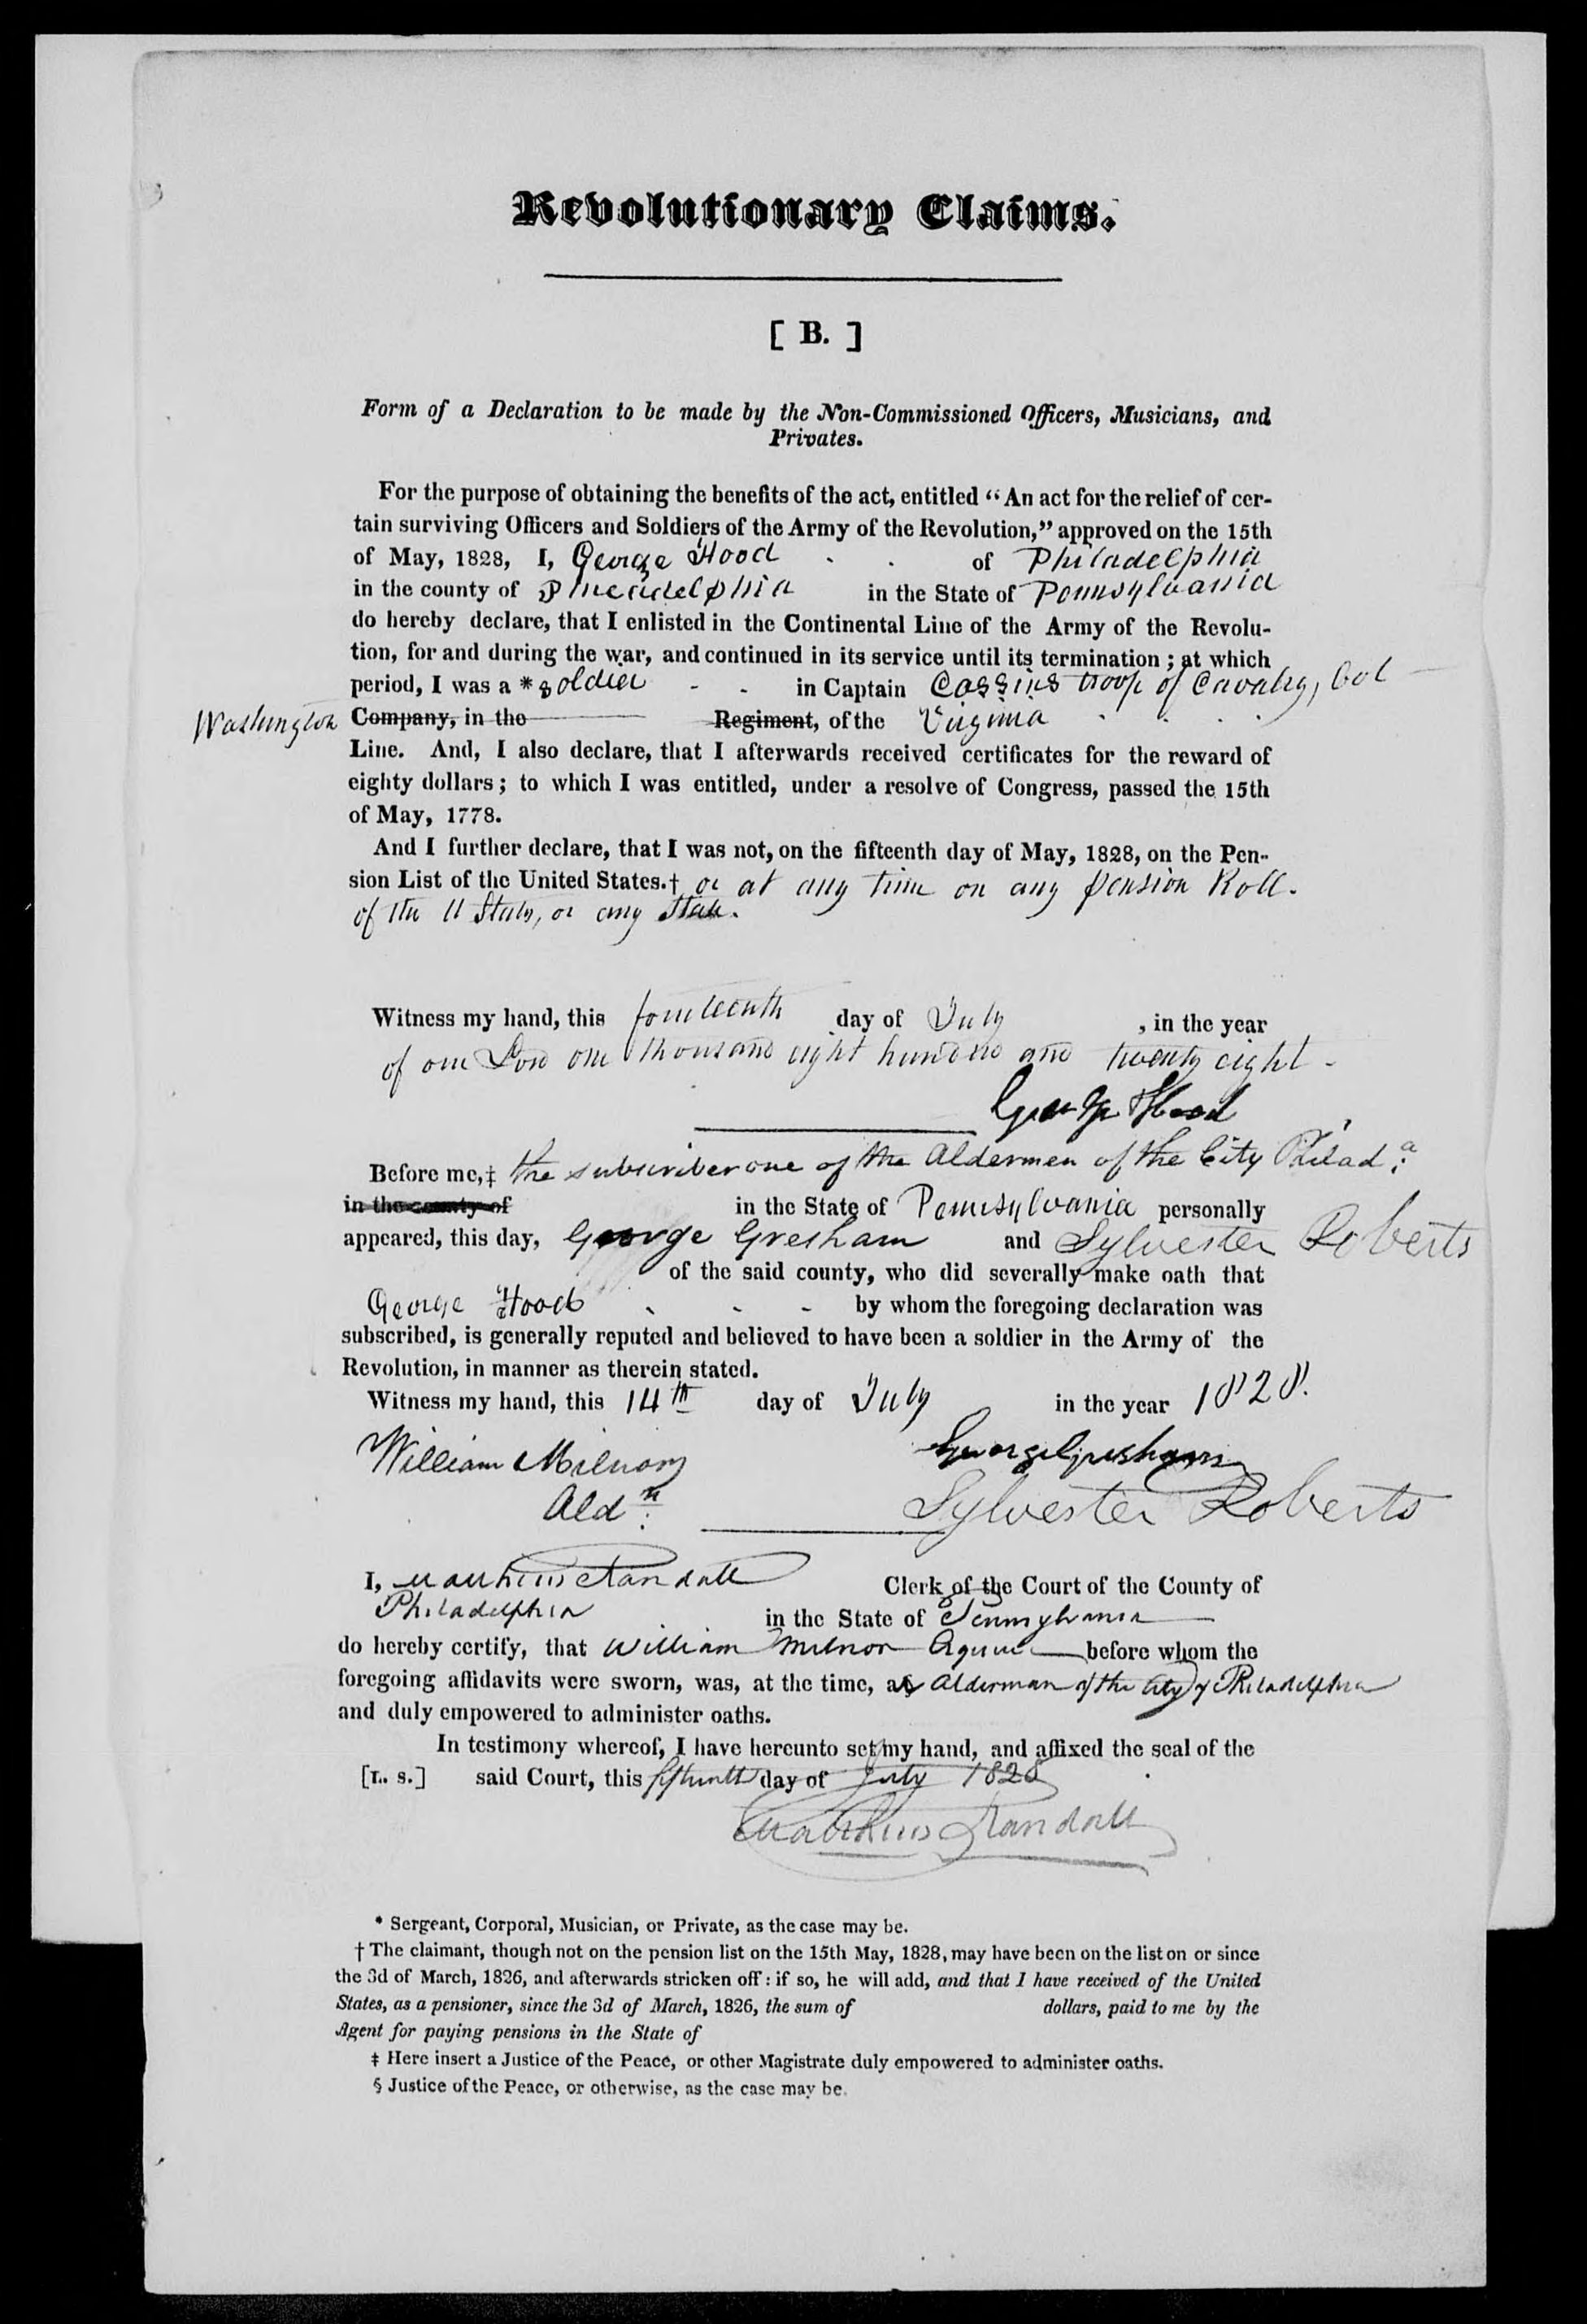Revolutionary Claims
[B.]
Form of a Declaration to be made by the Non-Commissioned officers, Musicians, and Privates.
For the purpose of obtaining the benefits of the act, entitled An Act for the Relief of Certain Surviving Officers and Soldiers of the Revolution,” approved 15th May, 1828, I, George Hood of Philadelphia in the County of Philadelphia in the State of Pennsylvania do hereby declare, that I enlisted in the Continental Line of the Army of the Revolution, for and during the war, and continued in its service until its termination; at which period, I was a *soldier in Captain Cassin’s troop of Cavalry, Col. Washington of the Virginia Line. And, I also declare, that I afterwards received certificates for the reward of eighty dollars to which I was entitled, under a resolve of Congress, passed the 15th of May, 1778.
And I further declare, that I was not, on the fifteenth day of May, 1828, on the Pension List of the United States or at any time on any Pension Roll of the 11 States, or any State.
Witness my hand, this fourteenth day of July, in the year of our Lord one thousand eight hundred and twenty eight.
George Hood

Before me, the subscriber one of the Aldermen of the City of Philadelphia in the State of Pennsylvania, personally appeared, this day, George Gresham and Sylvester Roberts of the said County, who did severally make oath that George Hood by whom the foregoing declaration was subscribed, is generally reputed and believed to have been a soldier in the Army of the Revolution, in manner as therein stated.

Witness my hand, this 14th day of July, in the year 1828.
William Milnor, Ald.
George Gresham
Sylvester Roberts

I, Matthius Randall, Clerk of the Court of the County of Philadelphia
do hereby certify, that William Milnor, before whom the foregoing affidavits were sworn, was, at the time, as Alderman of the City of Philadelphia and duly empowered to administer oaths.
.
In testimony whereof, I have hereunto set my hand, and affixed the seal of the said Court, this fifteenth day of July 1826.
Matthius Randall

*Sergeant, Corporal, Musician, or Private, as the case may be.
⸸The claimant, though not on the pension list on the 15th May, 1828, may have been on the list on or since the 3rd of March, 1826, and afterwards stricken off if so, he will add, and that 1 have received of the United States, as a pensioner, since the 3d of March, 1826, the sum of [Blank] dollars, paid to me by the Agent for paying pensions in the State of [Blank]
#Here insert a Justice of the Peace, or other Magistrate duly empowered to administer oaths.
§ Justice of the Peace, or otherwise, as the case may be.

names: George Gresham, Sylvester Roberts, Washington, Sylvester Roberts, George Hood, George Hood, George Grisham, William Milnor, George Hood, William Milnor, Matthius Randall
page: 27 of 51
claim: widow's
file: W 8939, George Hood, Continental Va.